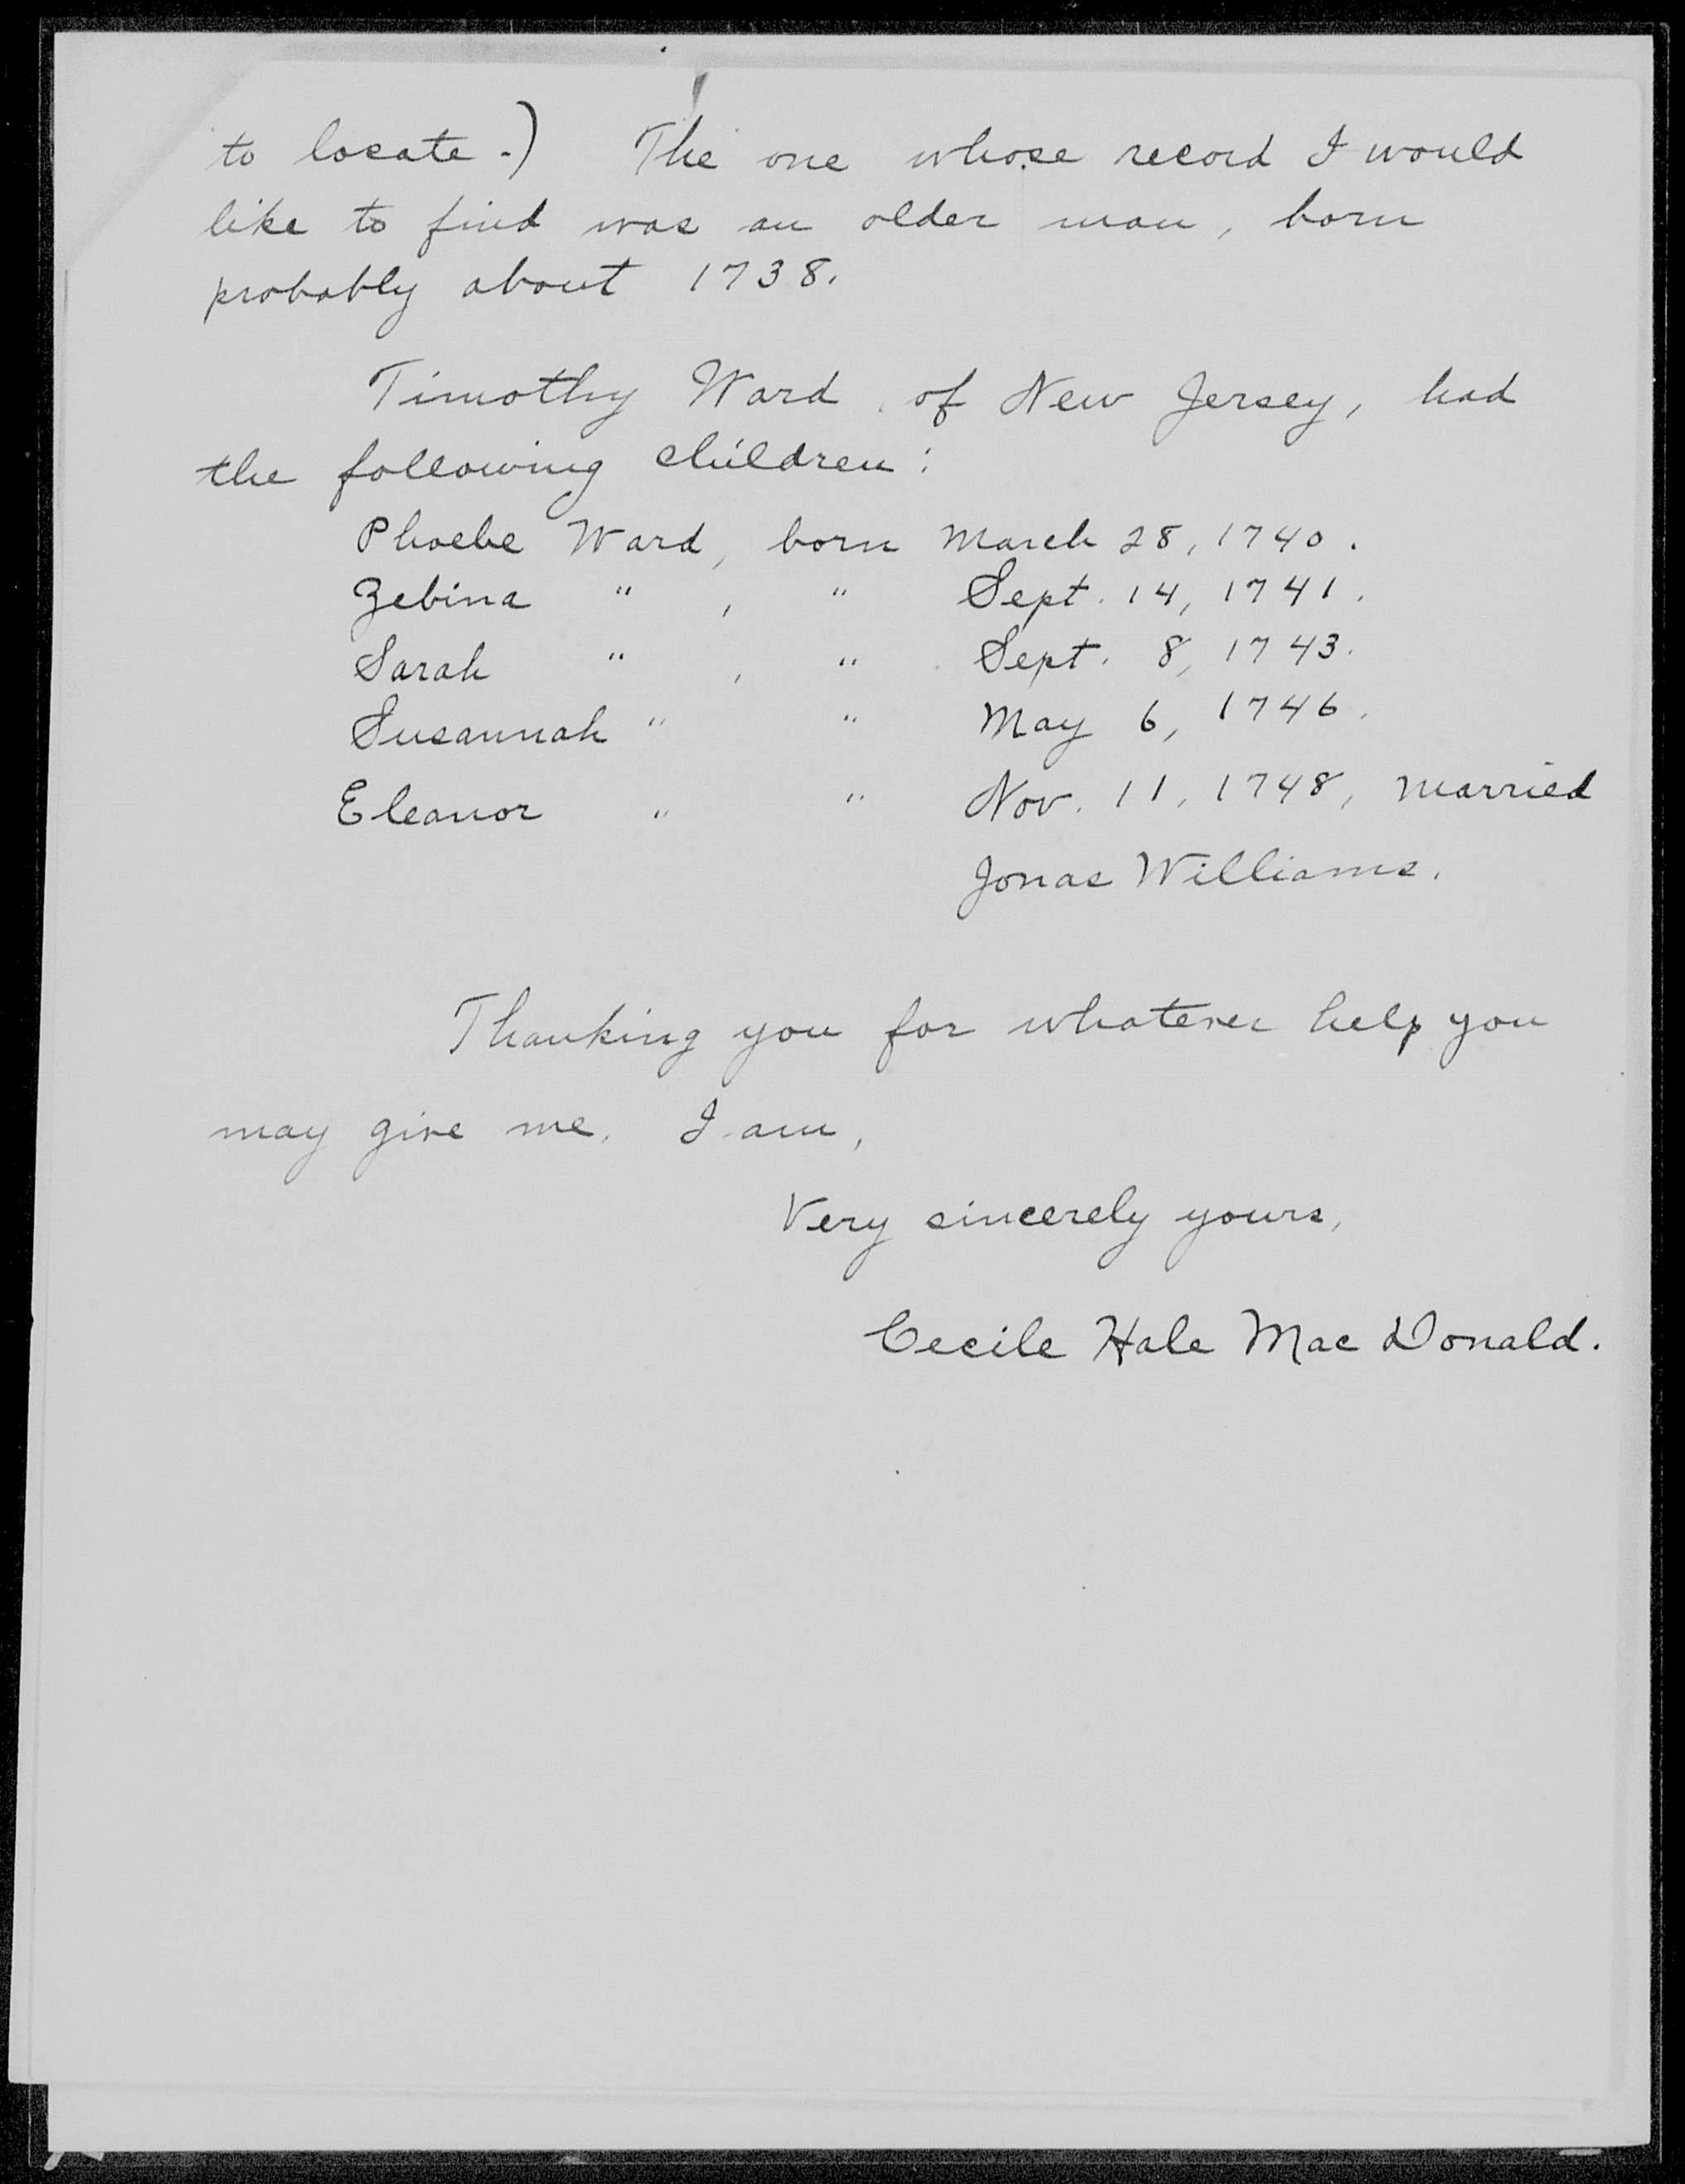to locate.)  The one whose record I would to locate like to find was an older man, born probably about 1738, 

Timothy Ward of New Jersey, had the following children: 
Phoebe Ward, born March 28, 1740. 
Zebina Ward, born Sept. 14, 1741. 
Sarah Ward, born Sept. 8, 1743. 
Susannah Ward, born May 6, 1746. 
Eleanor Ward, born Nov. 11, 1748, married Jonas Williams 

Thanking you for whatever help you may give me, I am, 
Very sincerely yours 
Cecile Hale Mac Donald.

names: Phaebe Ward, Susannah Ward, Cecile Hale Mc Donald, Zebina Ward, Timothy Ward, Sarah Ward, Jonas Williams, Eleanor Ward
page: 15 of 24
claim: survivor's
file: S. 17751, Timothy Ward, New Jersey